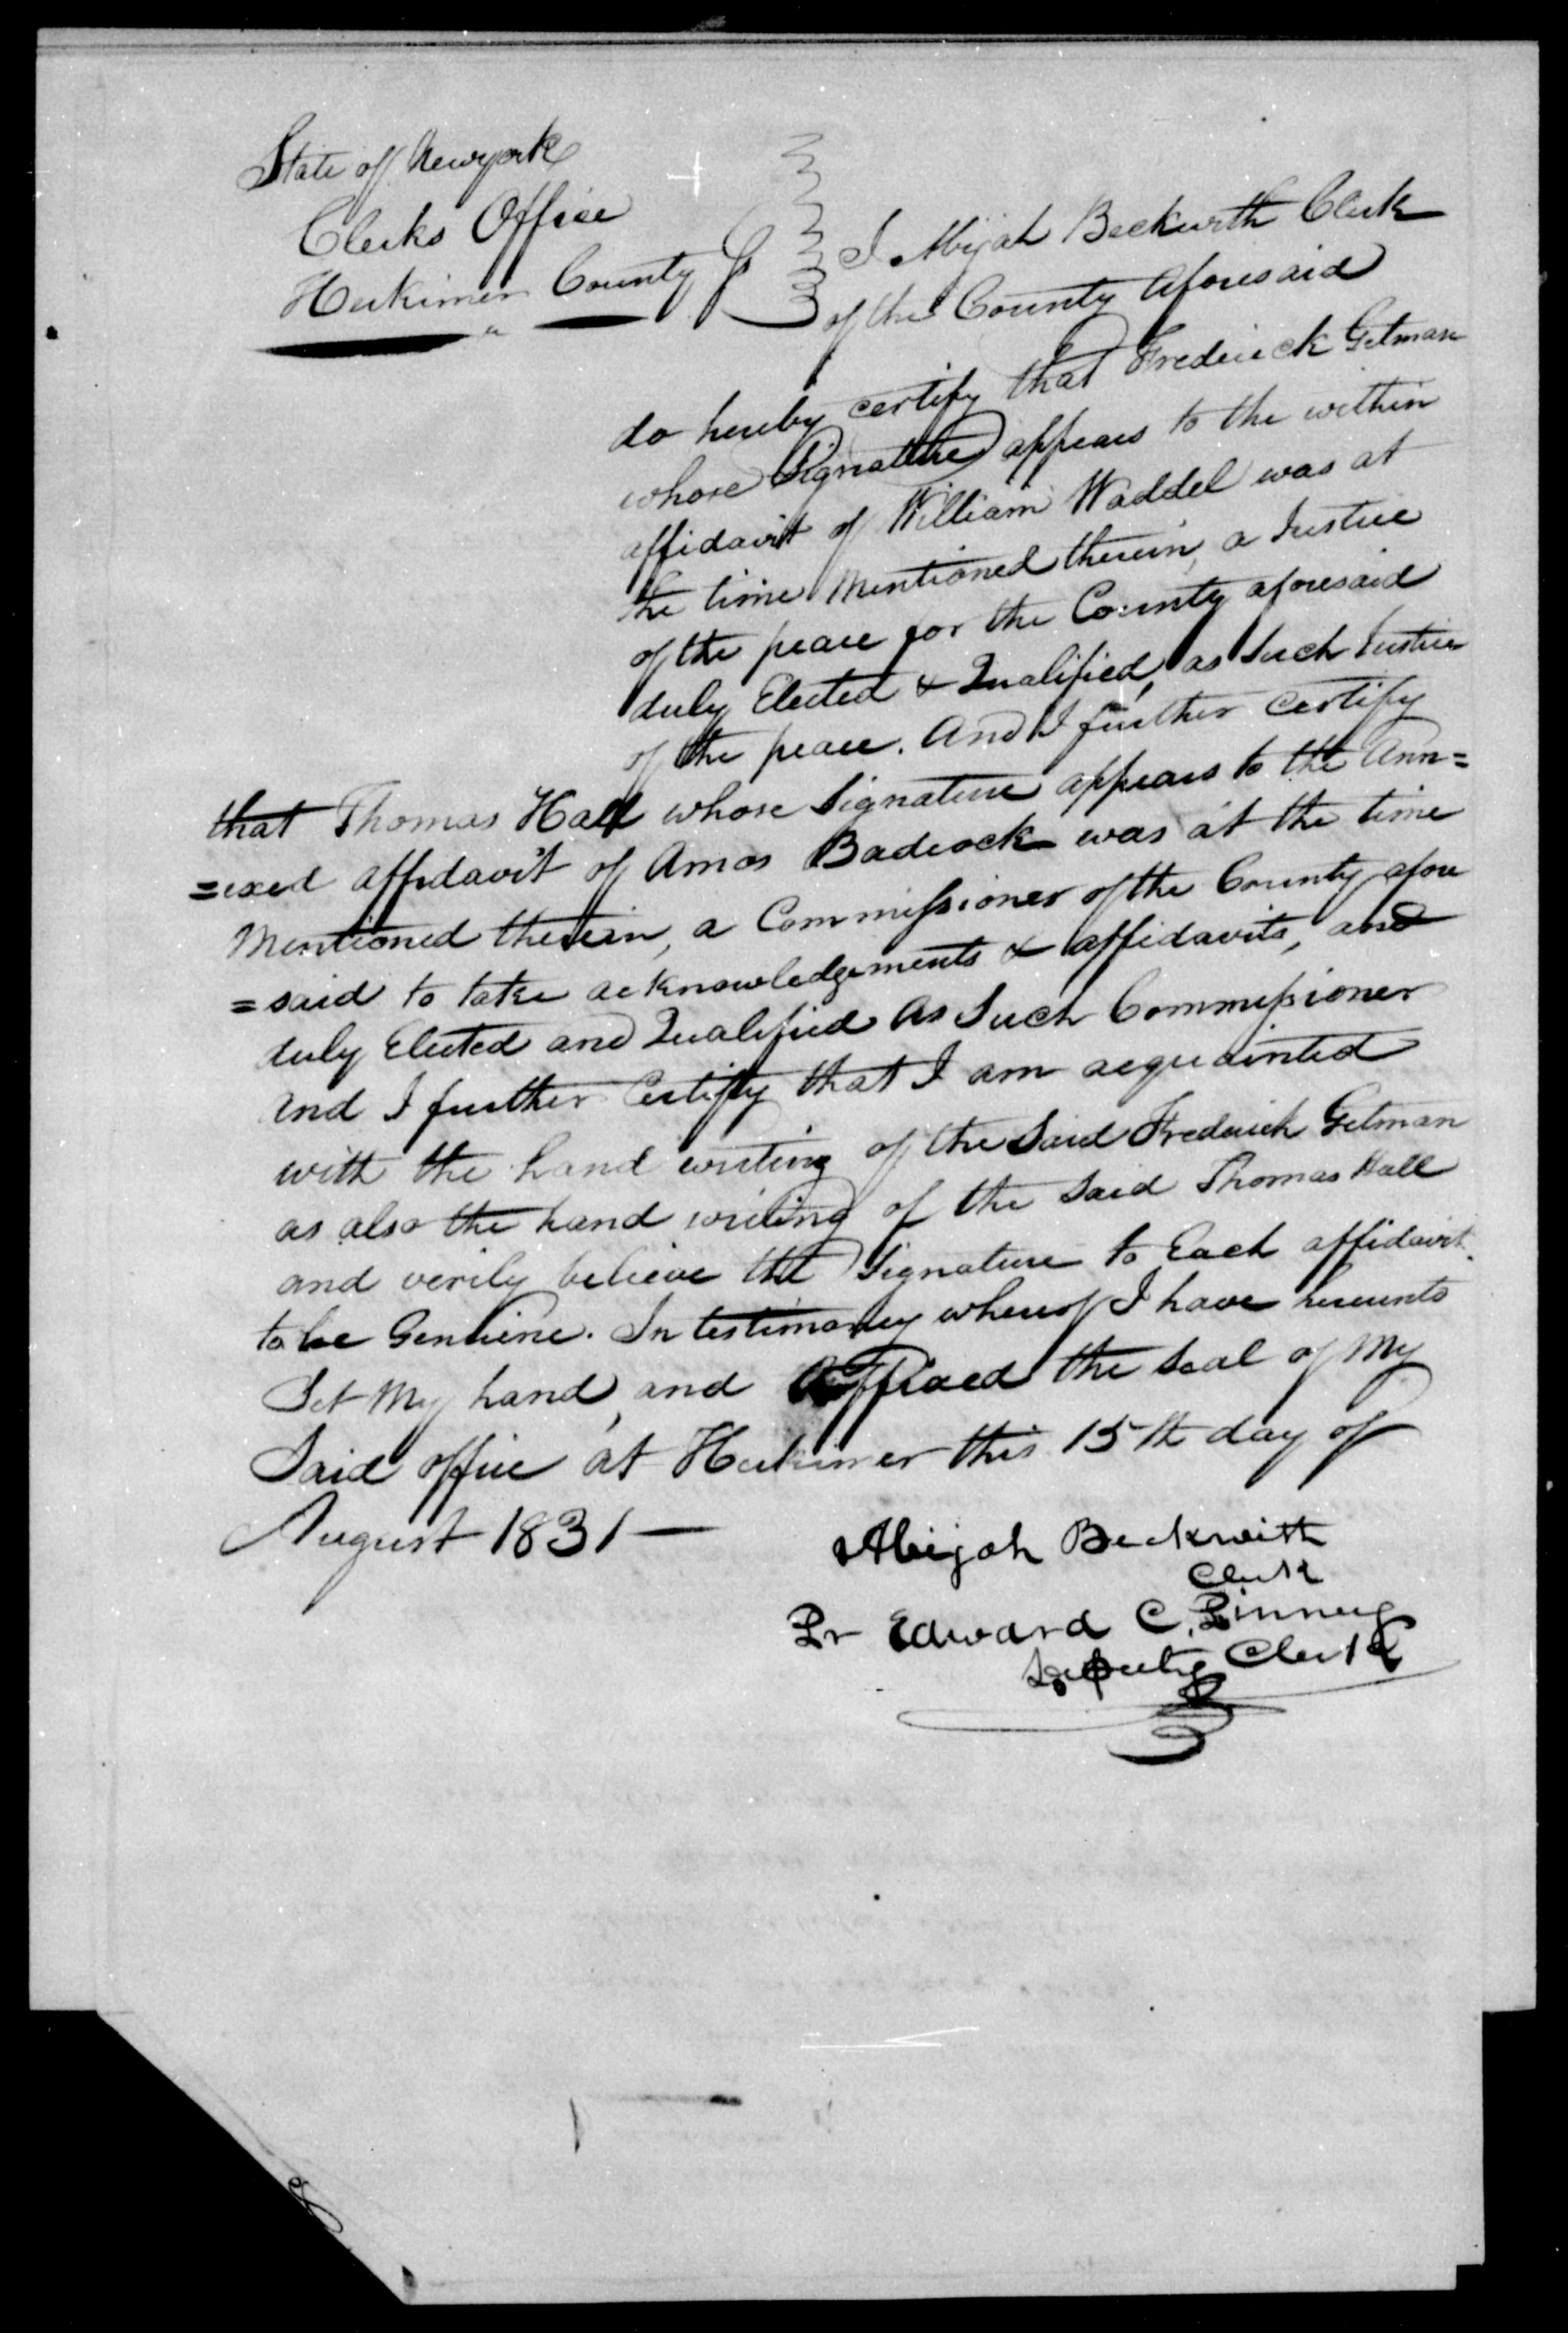State of New York clerks office Herkimer County ss
I Abijah Beckworth clerk of the county aforesaid do hereby certify that Frederick Getman whose signature appears to the within affidavit of William Waddel was at the time mentioned therein a Justice of the peace for the county aforesaid duly elected & qualified as such Justice of the peace. And I further certify that Thomas Hall whose signature appears to the annexed affidavit of Amos Badcock was at the time mentioned therein a commissioner of the county aforesaid to take acknowledgements and affidavits and duly elected and qualified as such commissioner and I further certify that I am acquainted with the hand writing of the said Thomas Hall and verily believe the signature to each affidavit to be genuine. In testimony whereof I have hereunto set my hand and affixed the seal of my said office at Herkimer this 15h day of August 1831
Abijah Beckwith clerk
Pr Edward C Pinney deputy clerk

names: Thomas Hall; Thomas Hall; Frederick Getman; Edward C Pinney; Abijah Beckwith; Amos Badcock; Abijah Beckwith; Frederick Getman; William Waddel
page: 10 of 12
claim: rejected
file: R. 8,593, for William Ranney, Connecticut